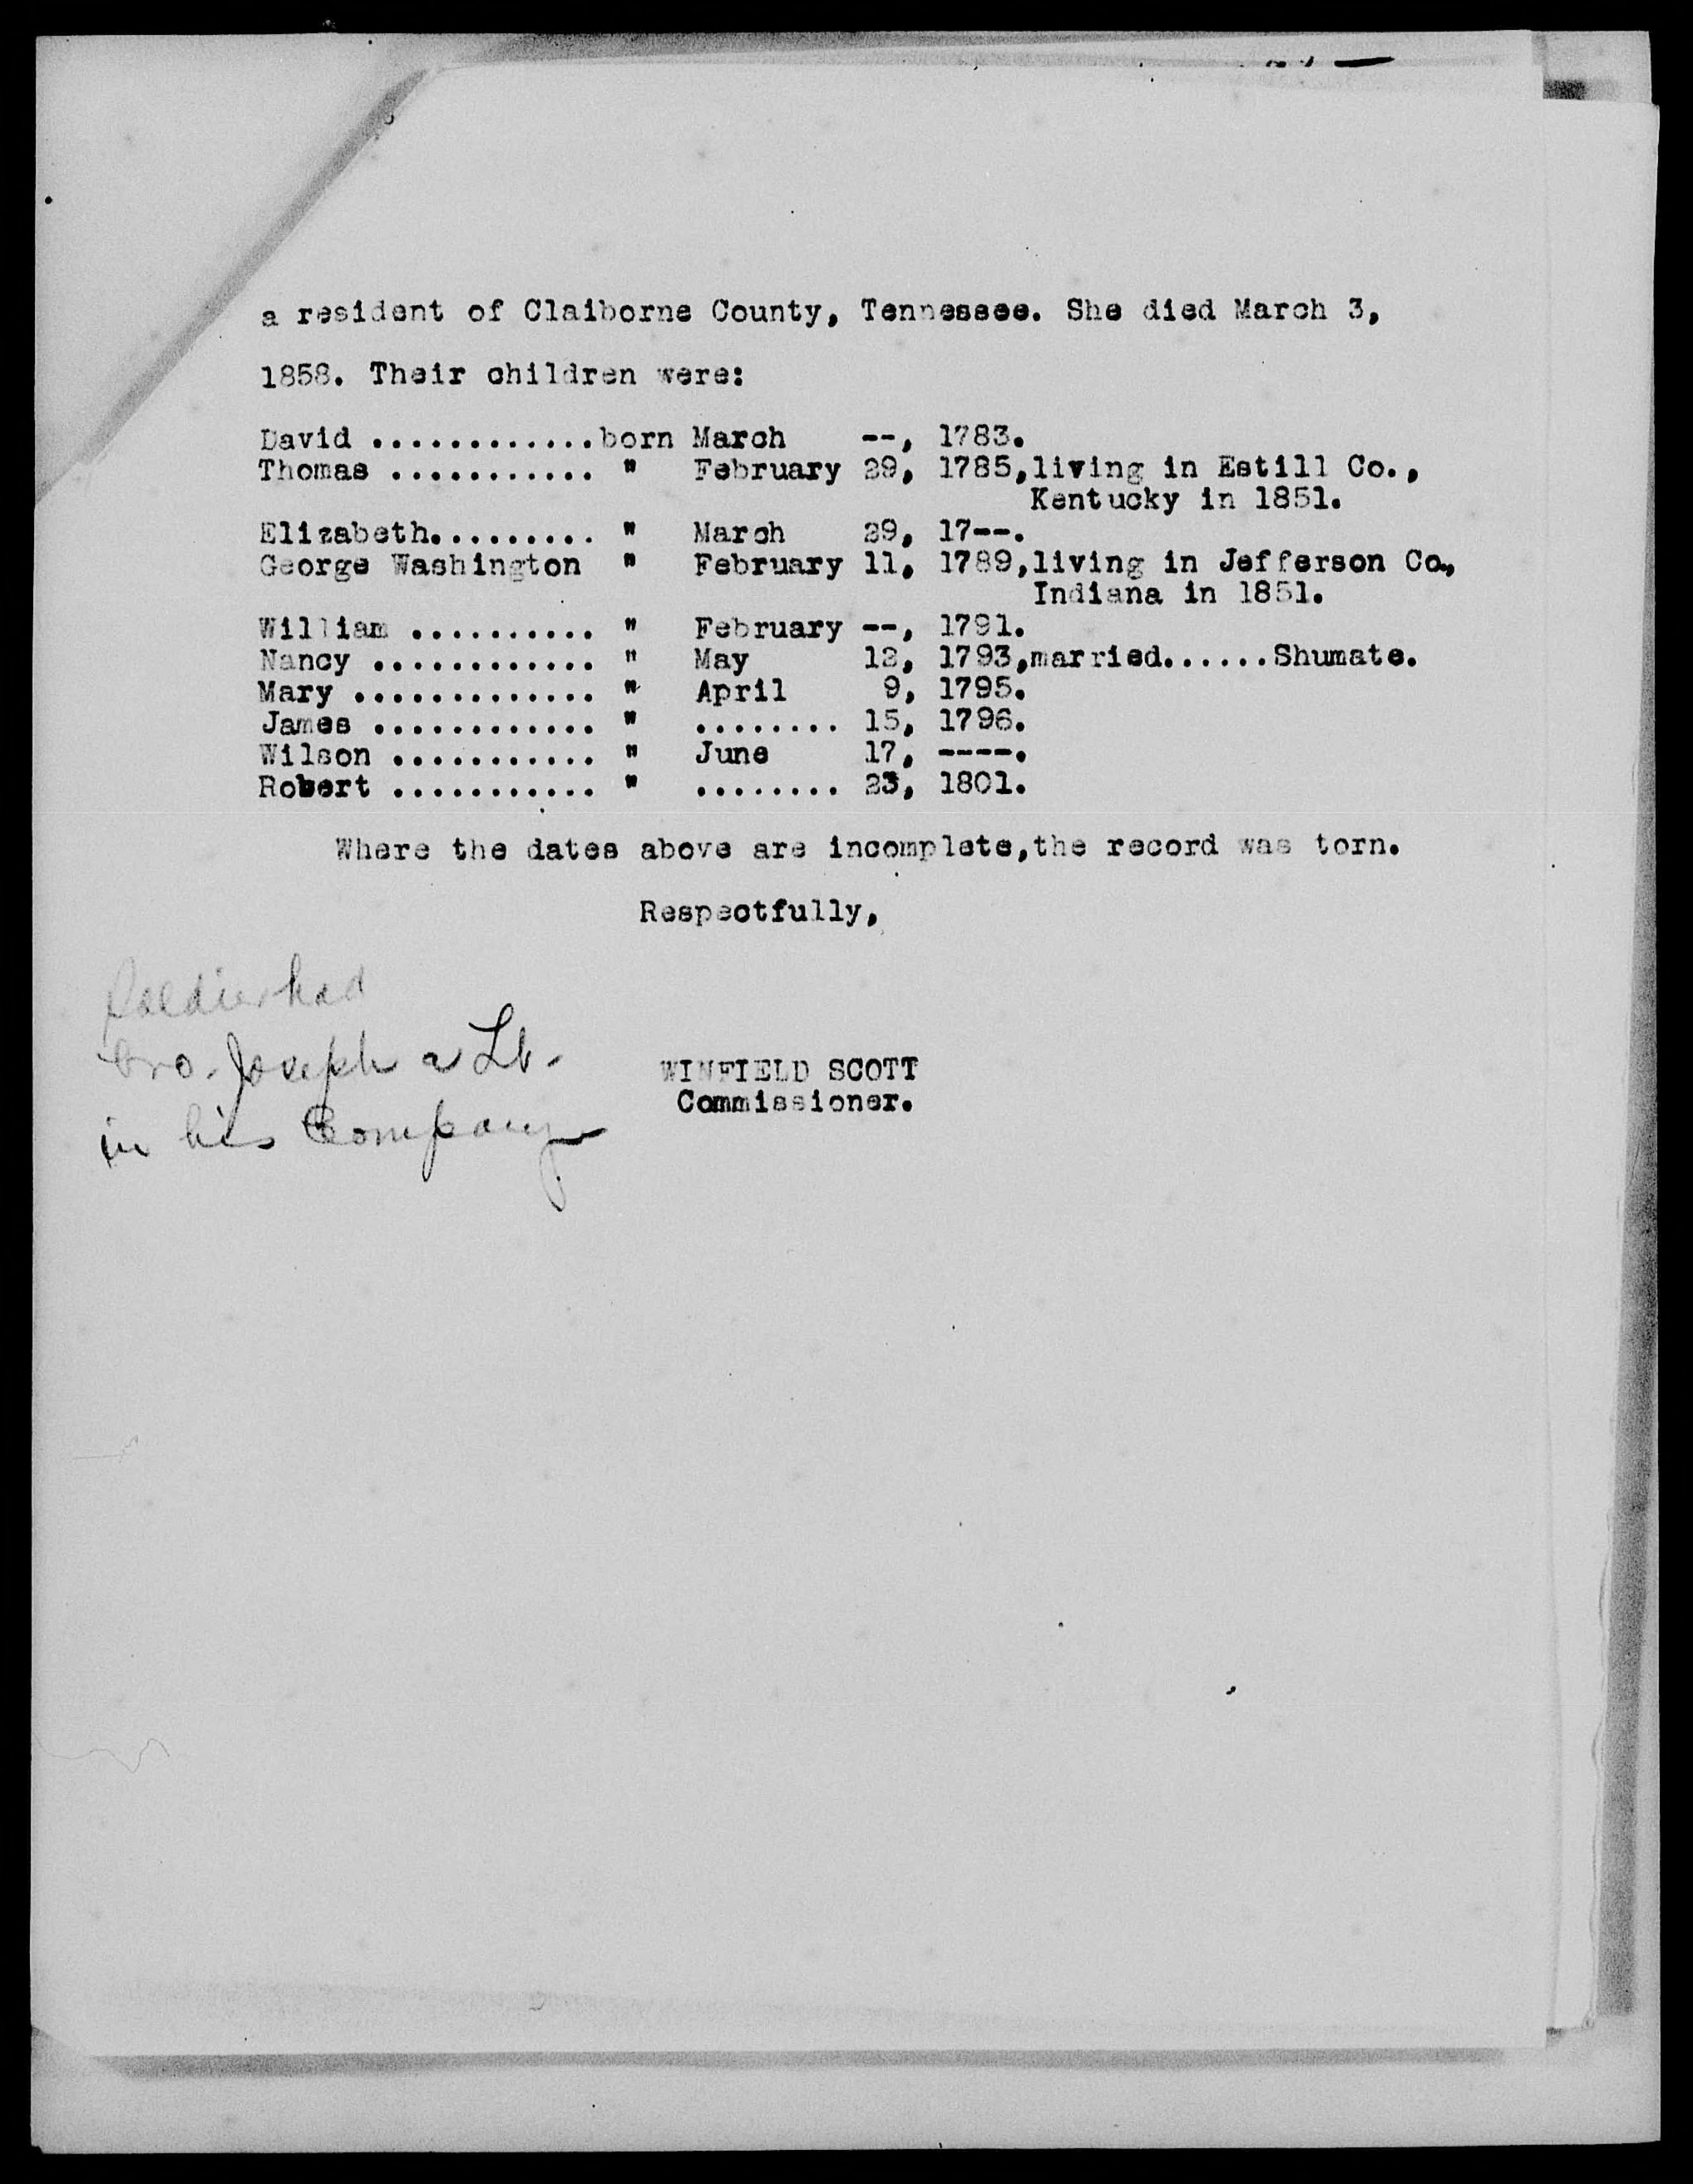a resident of Claiborne County, Tennessee. She died March 3, 
1858. Their children were: 
David............born March   --, 1783. 
Thomas..........."     February 29, 1785, living in Estill Co., 
Kentucky in 1851. 
Elizabeth ......... "  March 29, 17--. 
George Washington "  February 11, 1789, living in Jefferson Co., 
Indiana in 1851. 
William ........... "  February --. 1791. 
Nancy ............ " May 12, 1793, married......Shumate. 
Mary............. " April 9, 1795. 
James ..........." ........ 15, 1796. 
Wilson ........... " June 17, ----. 
Robert ........... " ........ 23, 1801. 

Where the dates above are incomplete, the record was torn. 

Respectfully, 

WINFIELD SCOTT 
Commissioner. 

[handwritten bottom left] 
soldier had 
bro. Joseph a Lt. 
in his Company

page: 28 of 120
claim: widow's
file: W. 1044, for Salathiel Martin, North Carolina